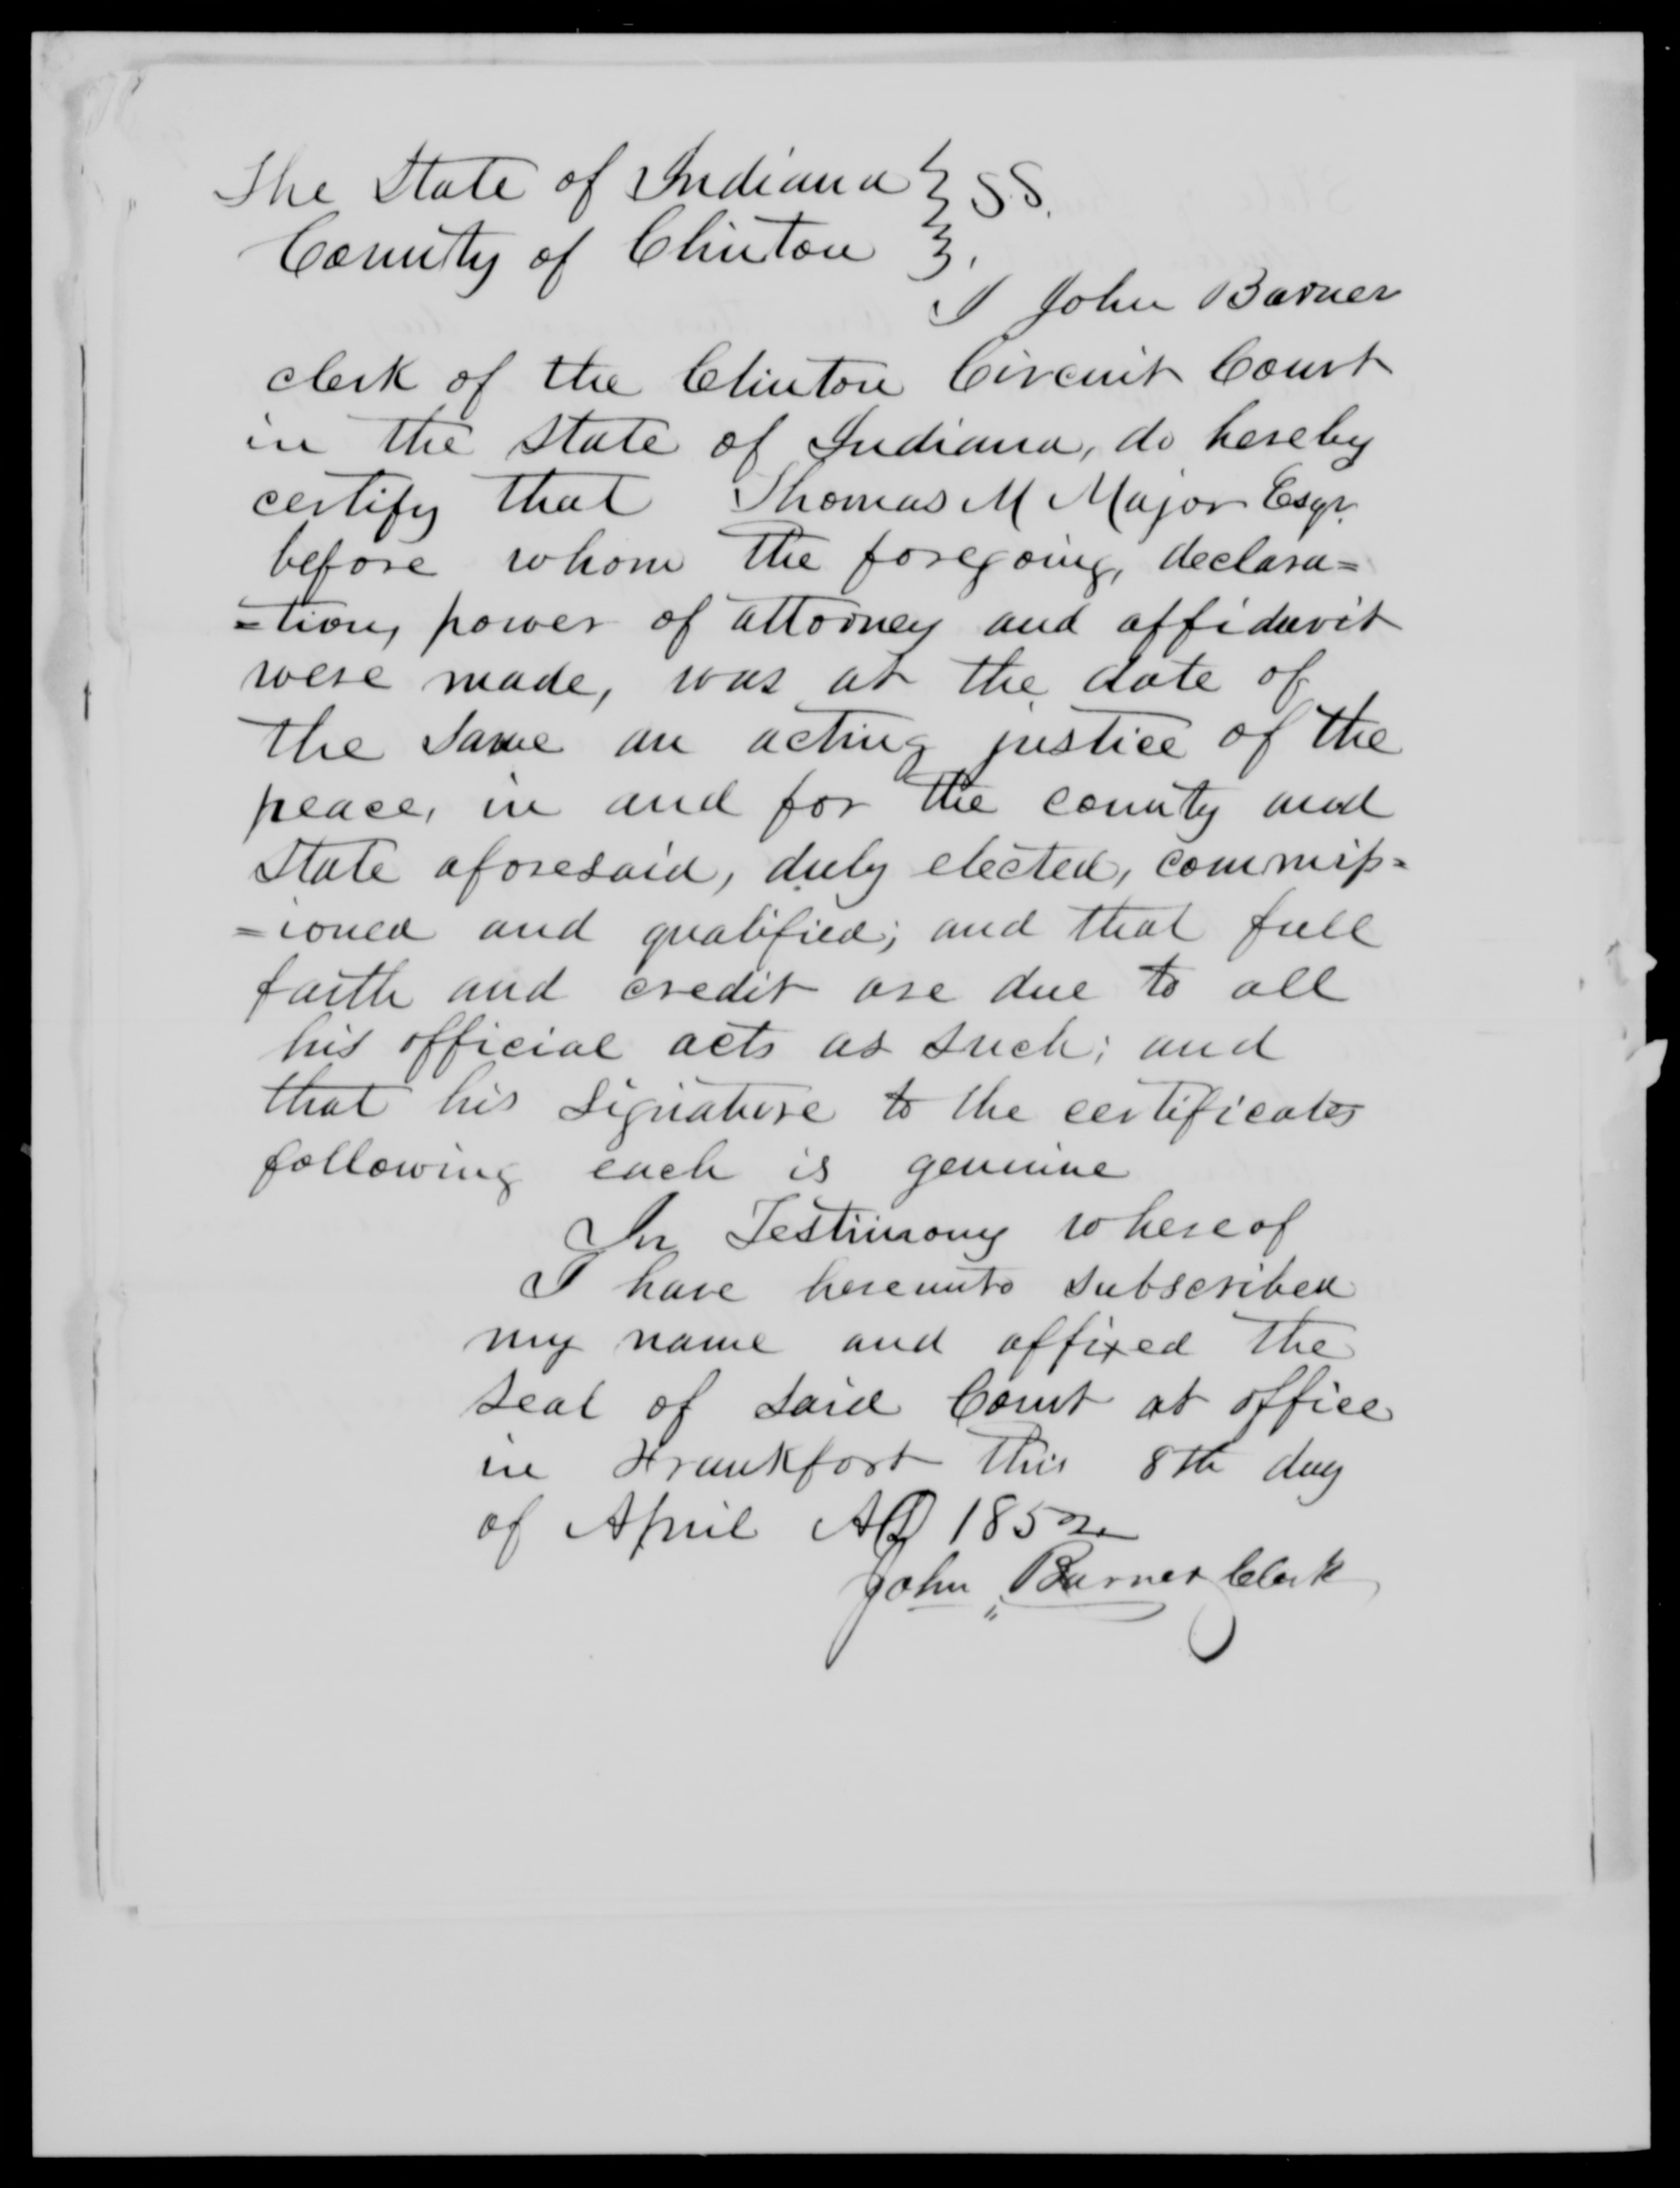The State of Indiana County of Clinton SS
I John Barner clerk of the Clinton Circuit Court
in the State of Indiana, do hereby certify that Thomas M Major Esqr before whom the foregoing declarations, power of attorney and affidavit
were made, was at the date of the same an acting justice of the peace, in and for the County and
State aforesaid, duly elected, commissioned and qualified; and that full faith and credit are due to all
his official acts as such; and that his signature to the certificates following each is genuine.
In Testimony whereof I have hereunto subscribed
my name and affixed the Seal of said Court at office
in Frankfort this 8th day of April AD 1852.
John Barner Clerk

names: Thomas M Major, John Barner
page: 105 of 123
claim: rejected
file: R. 11,949, Matthias Young, Md.